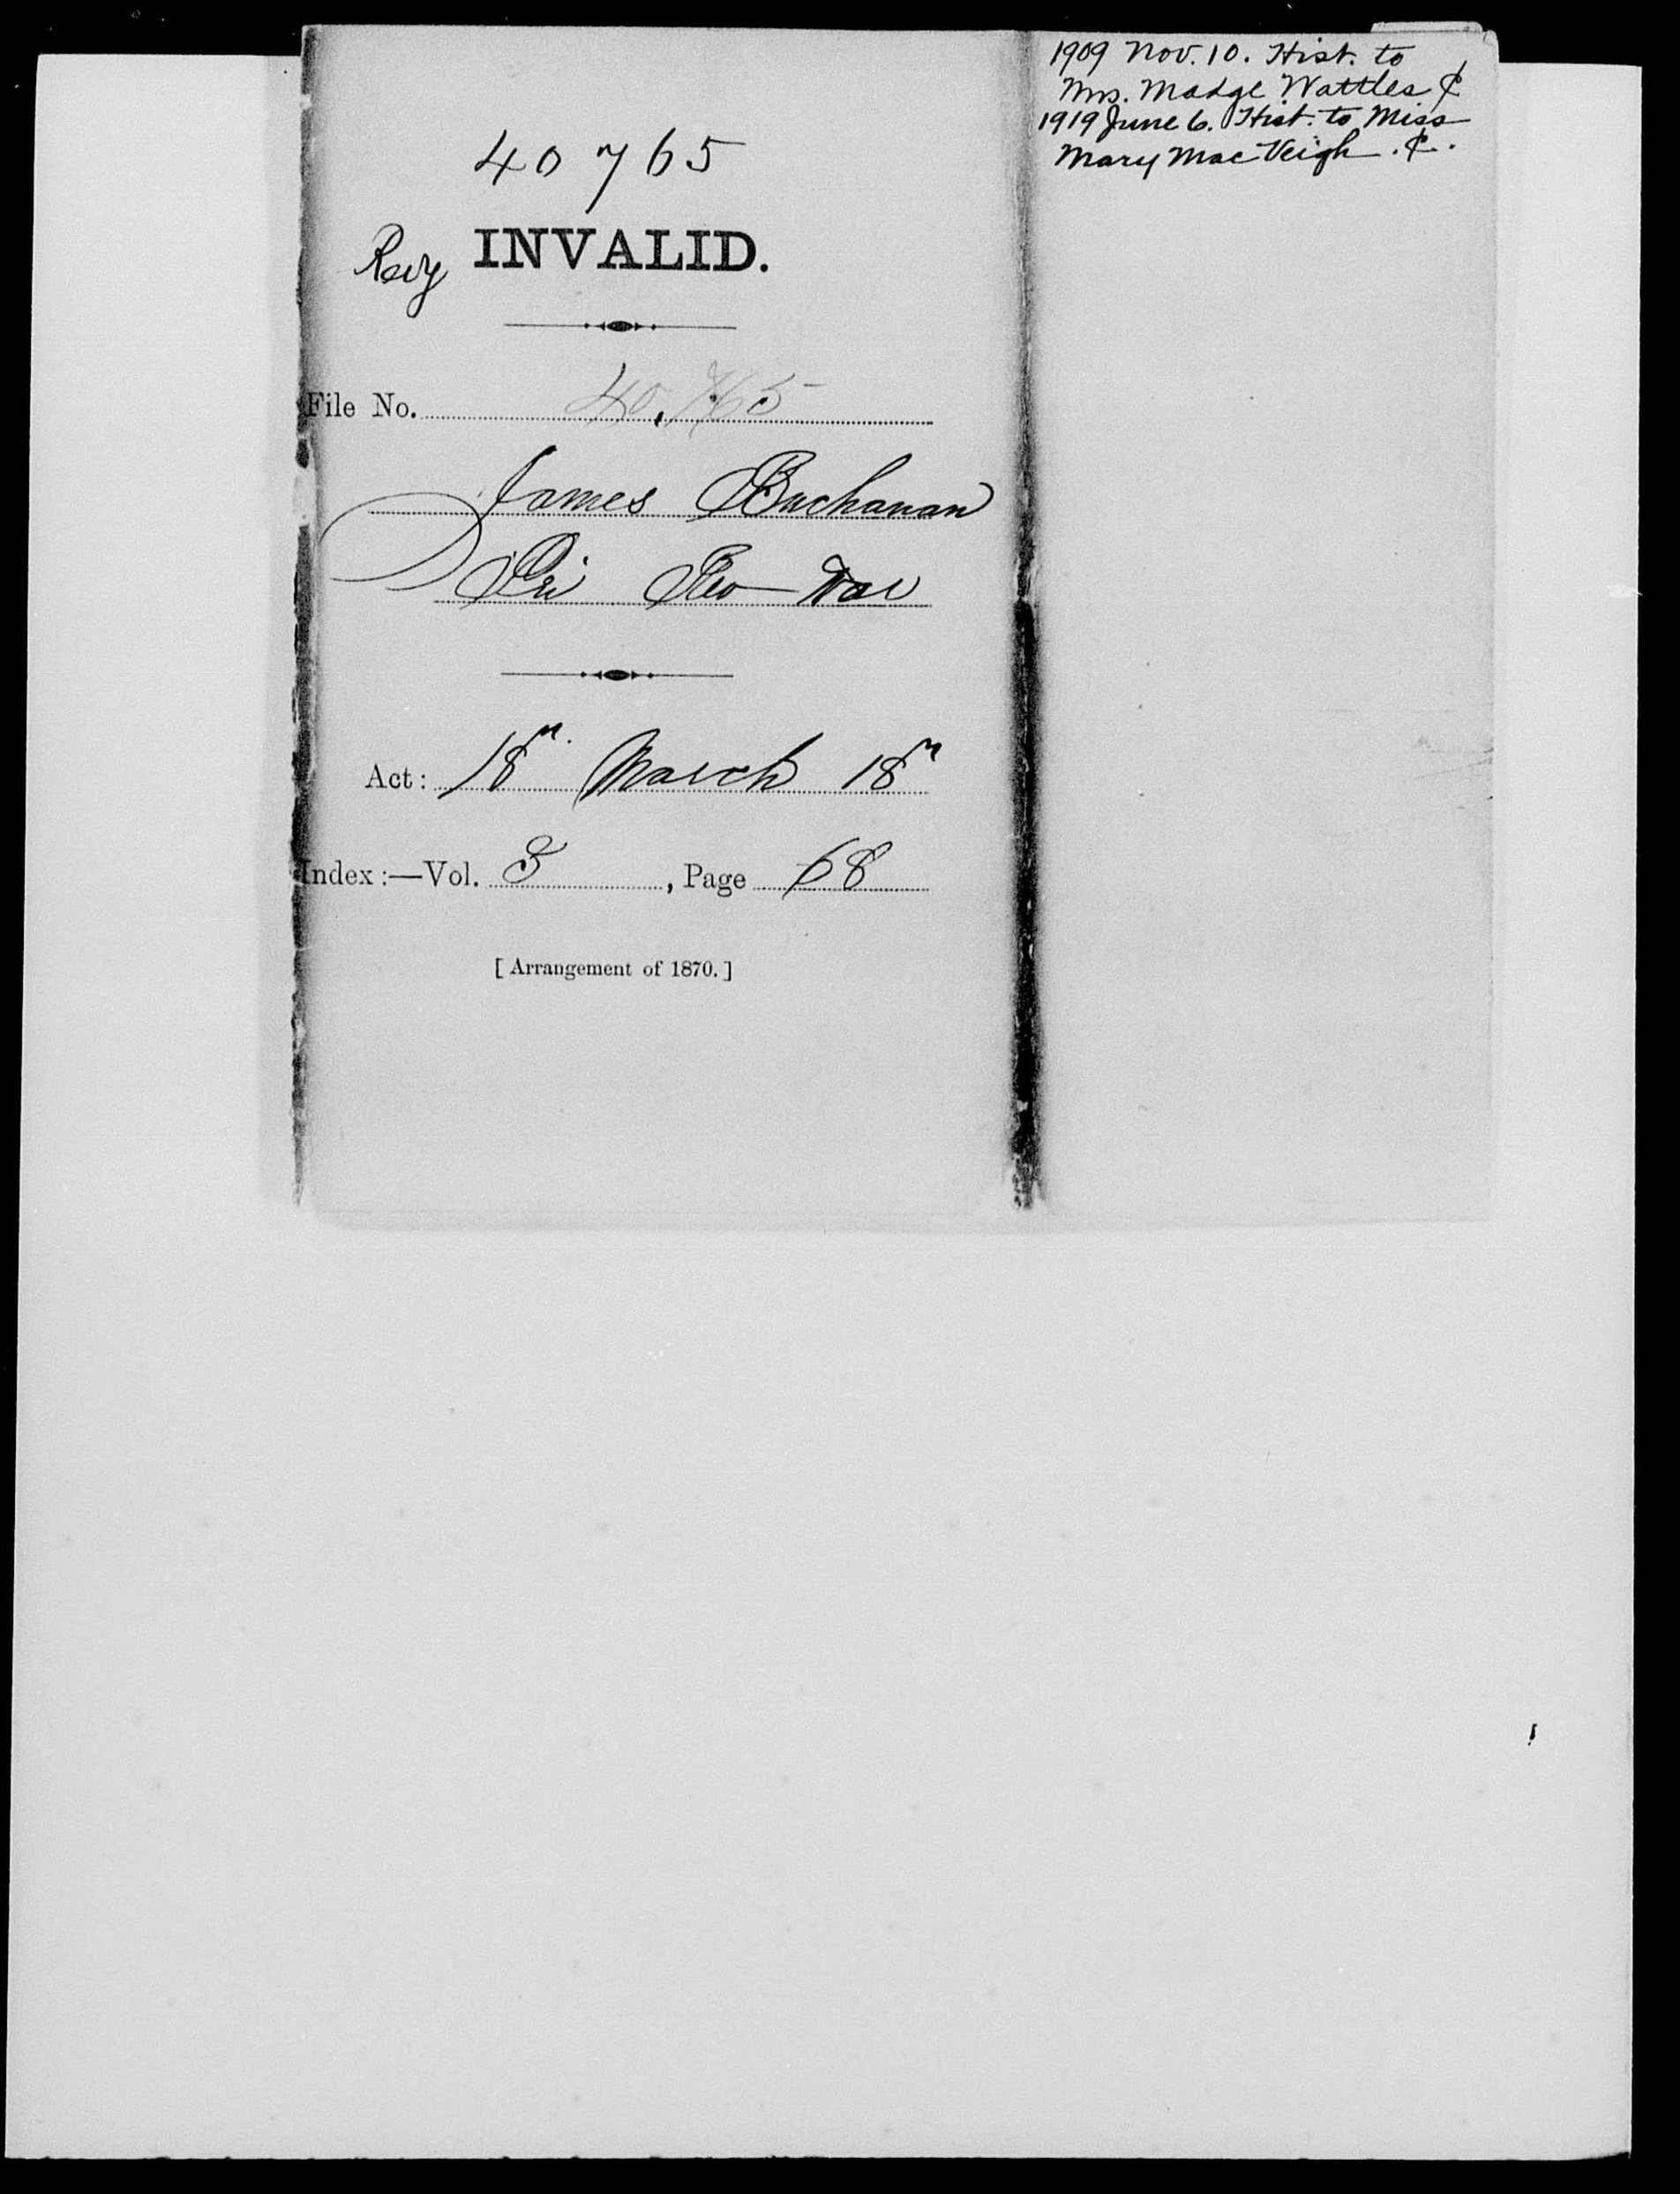40765
Revy INVALID.
File No. 40765
No. 160 -
James Buchanan
In New law
Act: 18th March 18
Index: -- Vol. I
Page 18
[Arrangement of 1870.]
1909
Nov. 10. Hist to
Mrs. Madge Wattles E
1919 June 6. Hist. to Miss
Mary Mac Veigh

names: James Buchanan, Madge Wattles, Mary Mac Veigh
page: 10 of 15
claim: survivor's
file: S. 40,765, James Buchanan, Pa.